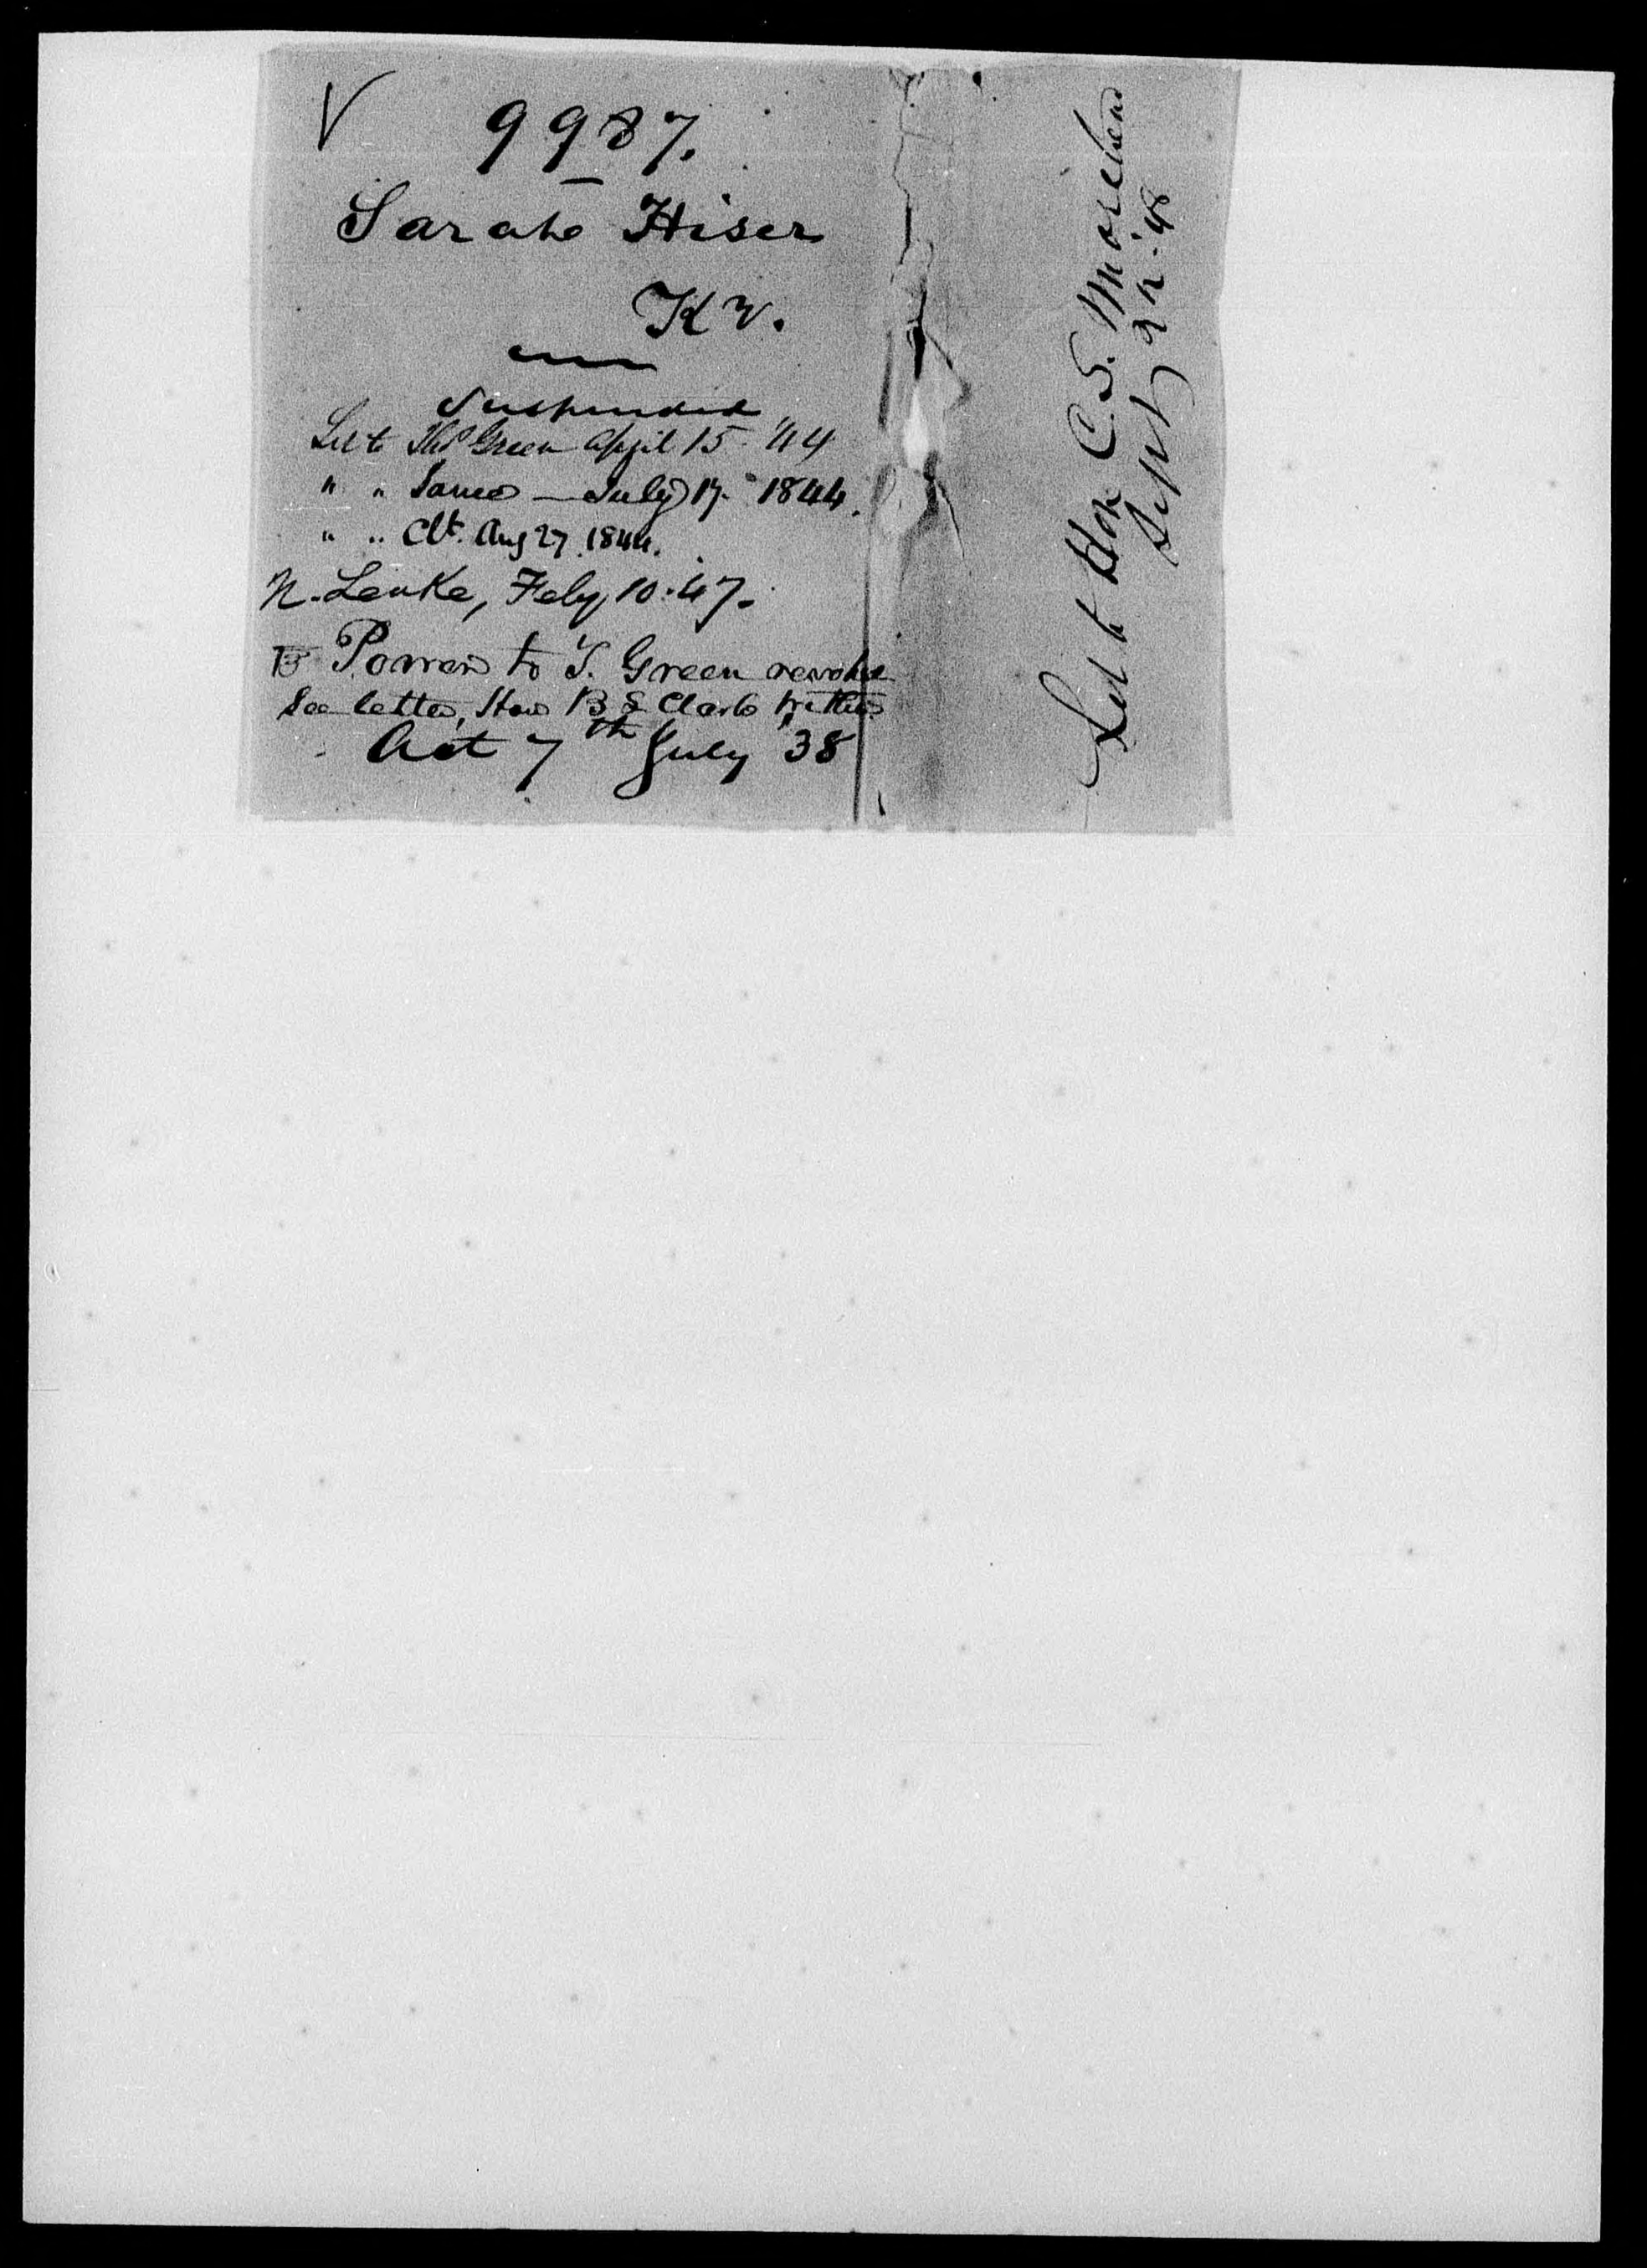V.  9987.

Sarah Hiser
KY
=======
Suspended
Let to Thos. Green April 15. '44
"         " Same--July 17. 1844
"     " Clt. Aug 27. 1844
N. Leuke, Feb 10. 47
To Porren to T. Green revoked
See letter, Hon B. S. Clark (??)
Act 7th July '38

right side bottom to top
Let to Hon. C. S. Morehead
Sept 27 '48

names: Thos Green, C S Morehead, Sarah Hiser, B L Clarke, T Green, N Leake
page: 35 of 58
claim: widow's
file: W. 8932, John Hiser, Penn.